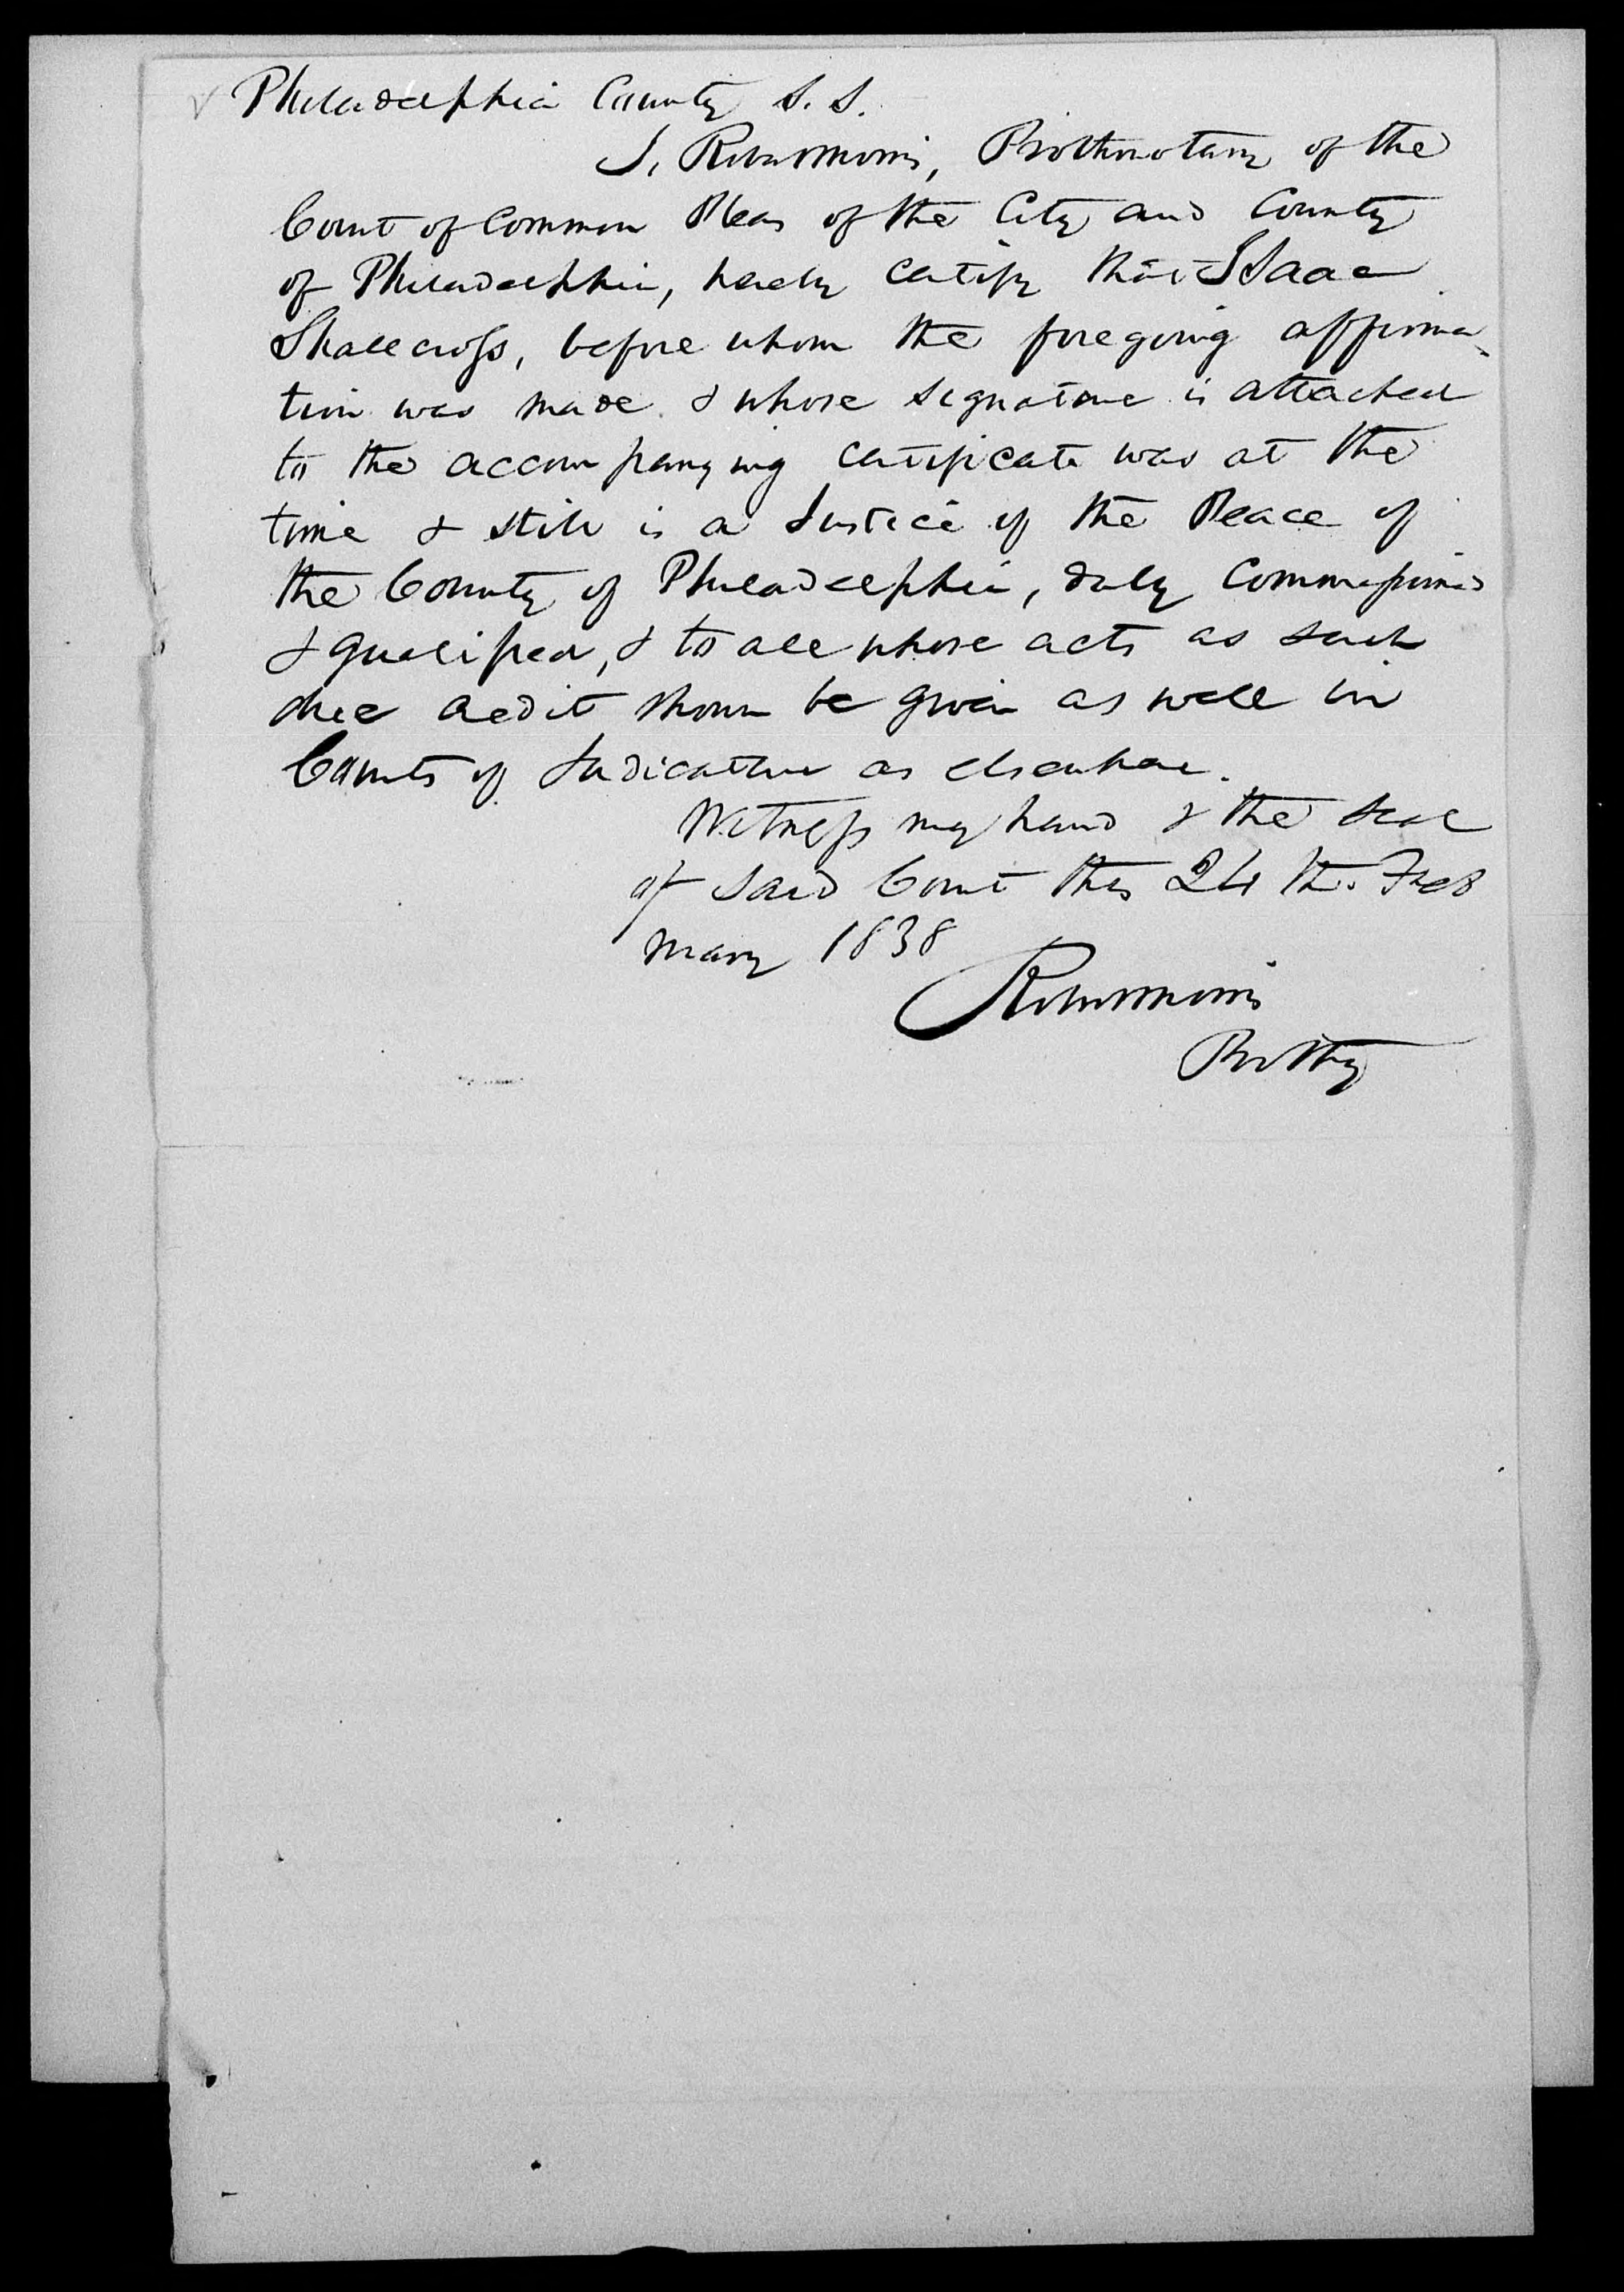Philadelphia County S. S.

i, Robert Morris, Prothonotary of the Court of Common Pleas of the City and County of Philadelphia, hereby certify that Isaac Shallcross, before whom the foregoing affirmation was made & whose signature is attached to the accompanying certificate was at the time & still is a Justice of the Peace of the County of Philadelphia, duly commissioned & qualified, & to all whose act as such due credit shown be given as well in Courts of Judication as [ineligible].

Witness my hand & the seal of said Court this 24th February 1838
Robert Morris
Prothy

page: 85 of 86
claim: widow's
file: W. 3571, for David Marshall, Pennsylvania